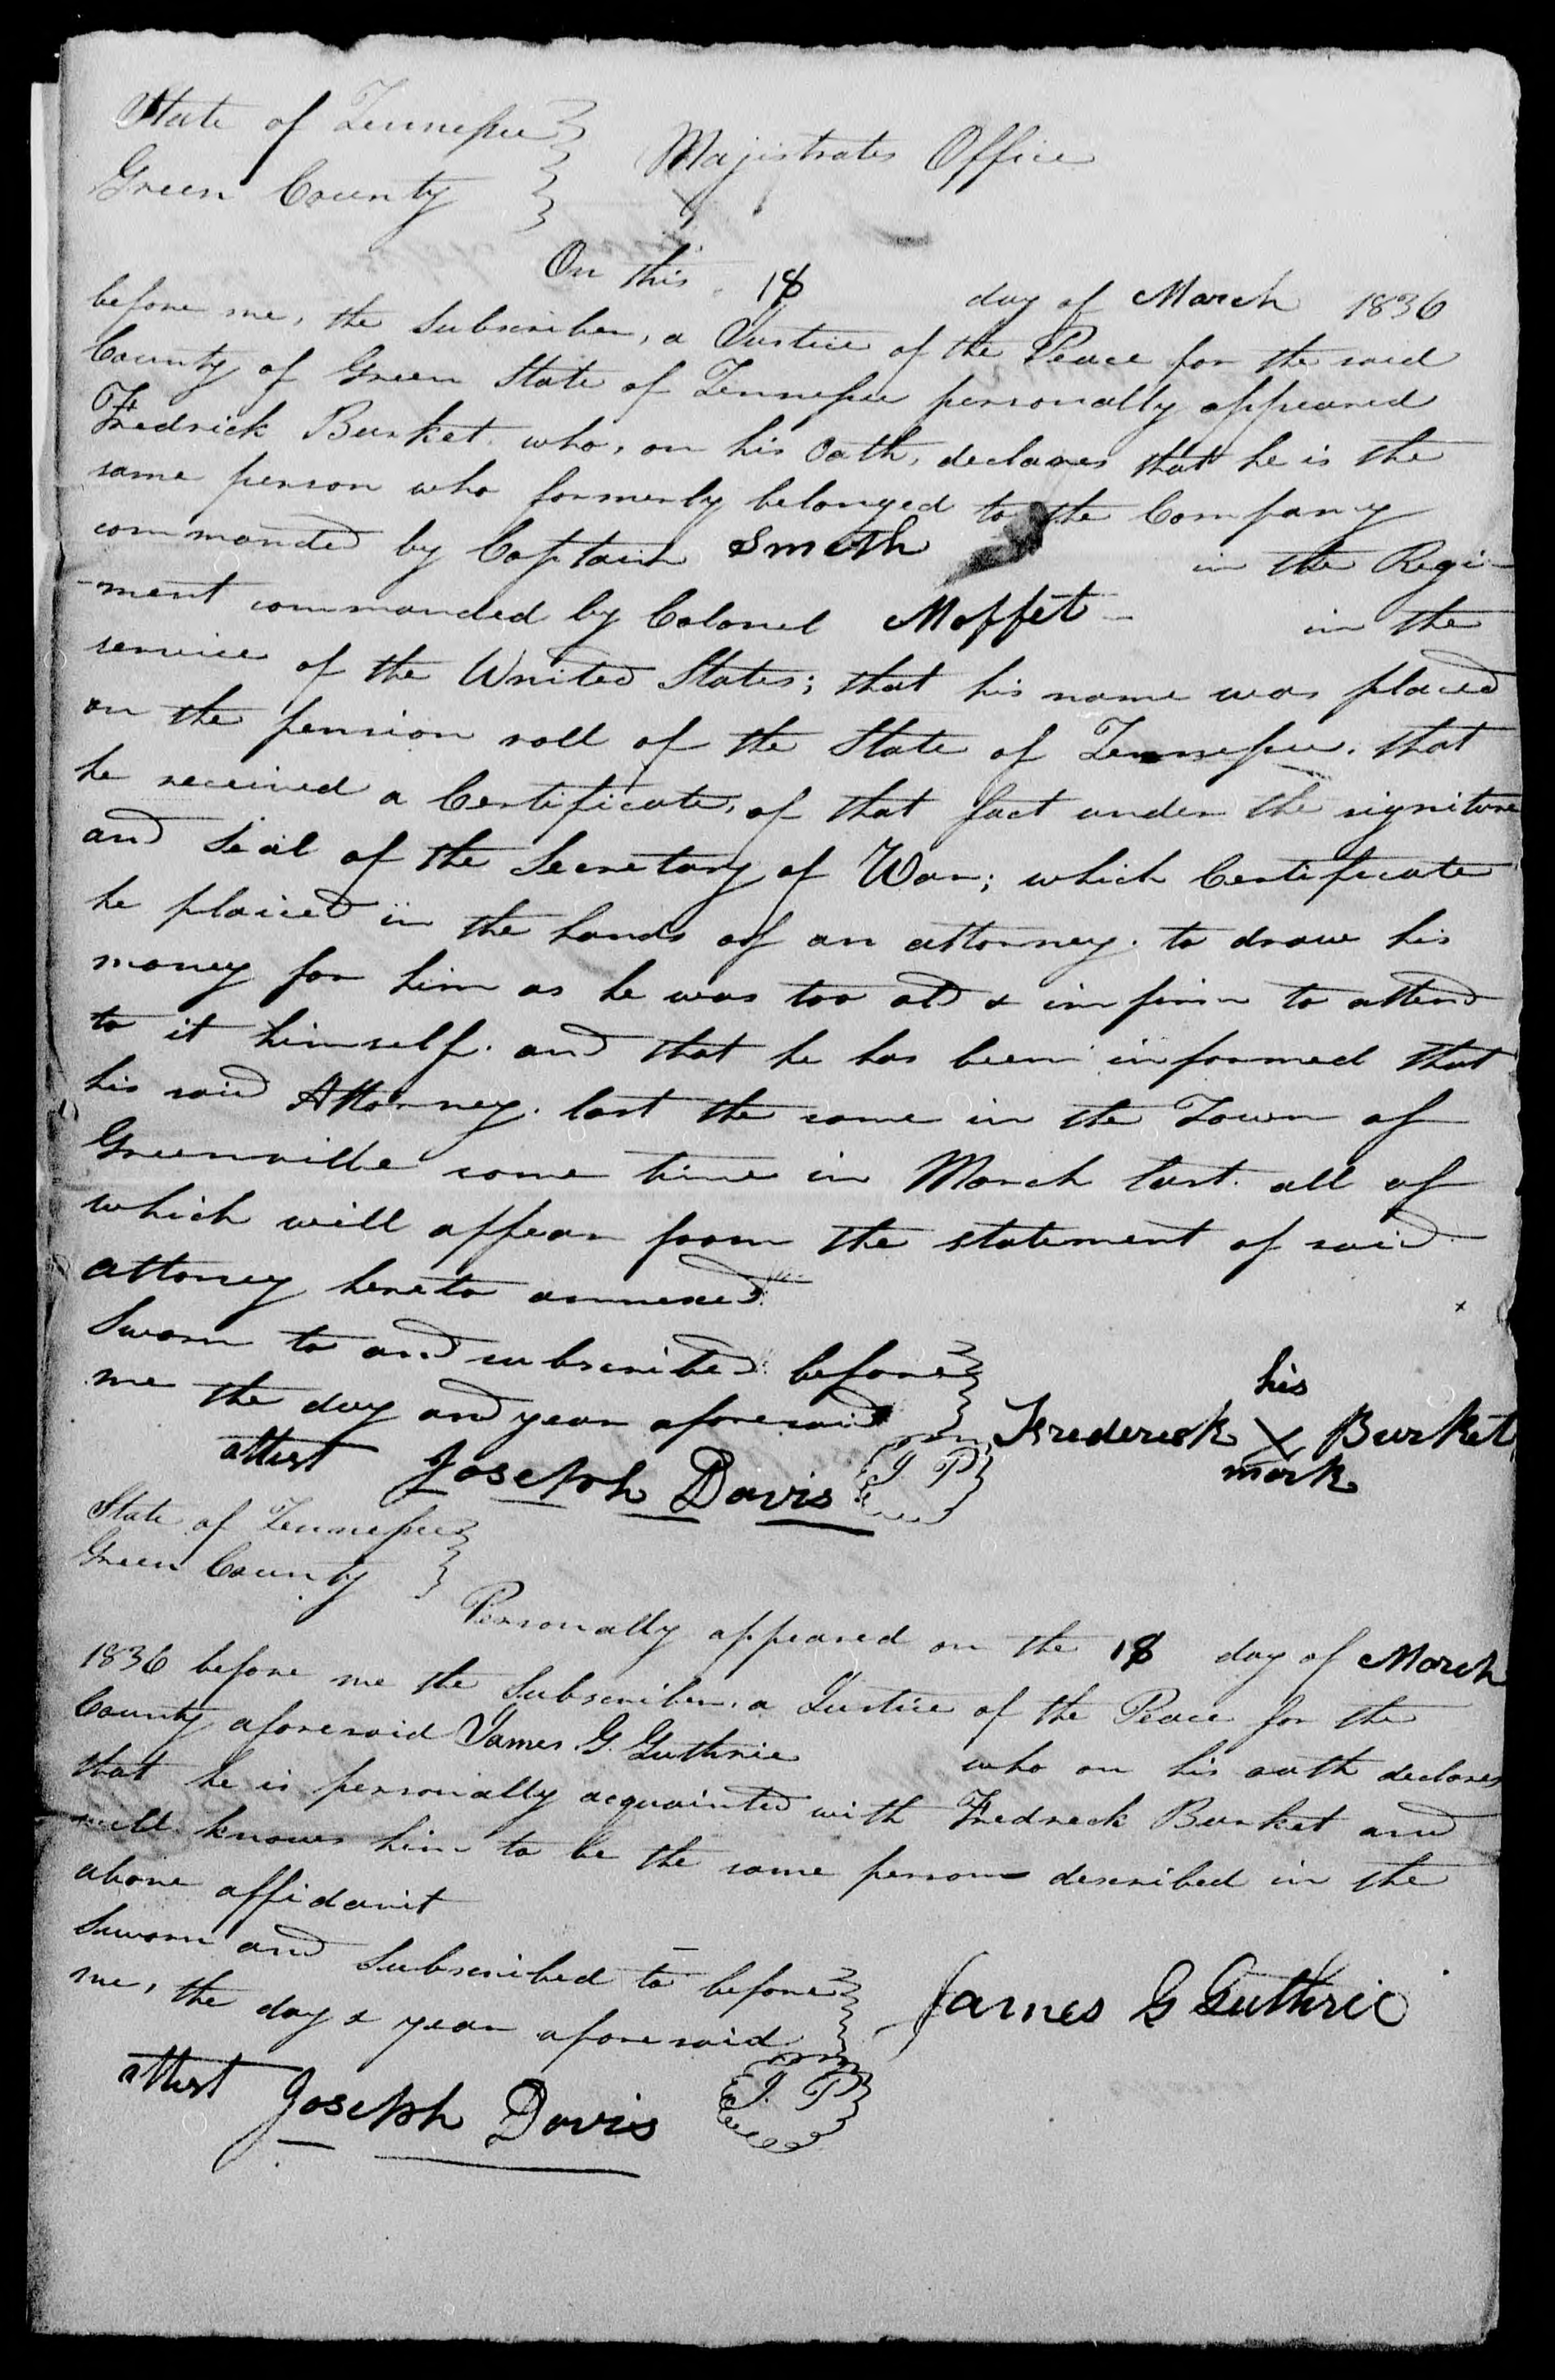State of Tennessee}
Green County }
Majistrates Office
On this 18 day of arch 1836 before me, the subscriber, a Justice of the Peace for the said County of Green State of Tennessee personally appeared Fredrick Burket who, on his oath, declares that he is the same person who formerly belonged to the Company commanded by Captain Smith in the Regiment commanded by Colonel Moffet in the service of the United States; that his name was placed on the pension roll of the State of Tennessee that he received a Certificate of that fact under the signature and seal of the Secretary of War; which Certificate he placed in the hands of an attorney to draw his money for him as he was too old & infirm to attend to it himself and that he has been informed that his said Attorney lost the same in the Town of Greenville some time in March last all of which will appear from the statement of said attorney hereto annexed.
Sworn to and subscribed before}
me the day and year aforesaid]
Frederick X Burket
(X his mark)
attest Joseph Davis JP (Seal)

State of Tennessee}
Green County}
Personally appeared on the 18 day of March 1836 before me the subscriber, a Justice of the Peace for the County aforesaid James G. Guthrie who on his oath declares that he is personally acquainted with Fredrick Burket and well knows him to be the same person described in the above affidavit
Sworn and subscribed to before}
me, the day & year aforesaid} JP (seal)

James G Guthrie

attest Joseph Davis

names: Joseph Davis, Fredrick Burket, James G Guthrie, Joseph Davis, Fredrick Burket, James G Guthrie, Smith, Frederick Burket, Moffet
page: 17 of 47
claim: survivor's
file: S. 3102, Frederick Burket, Va.